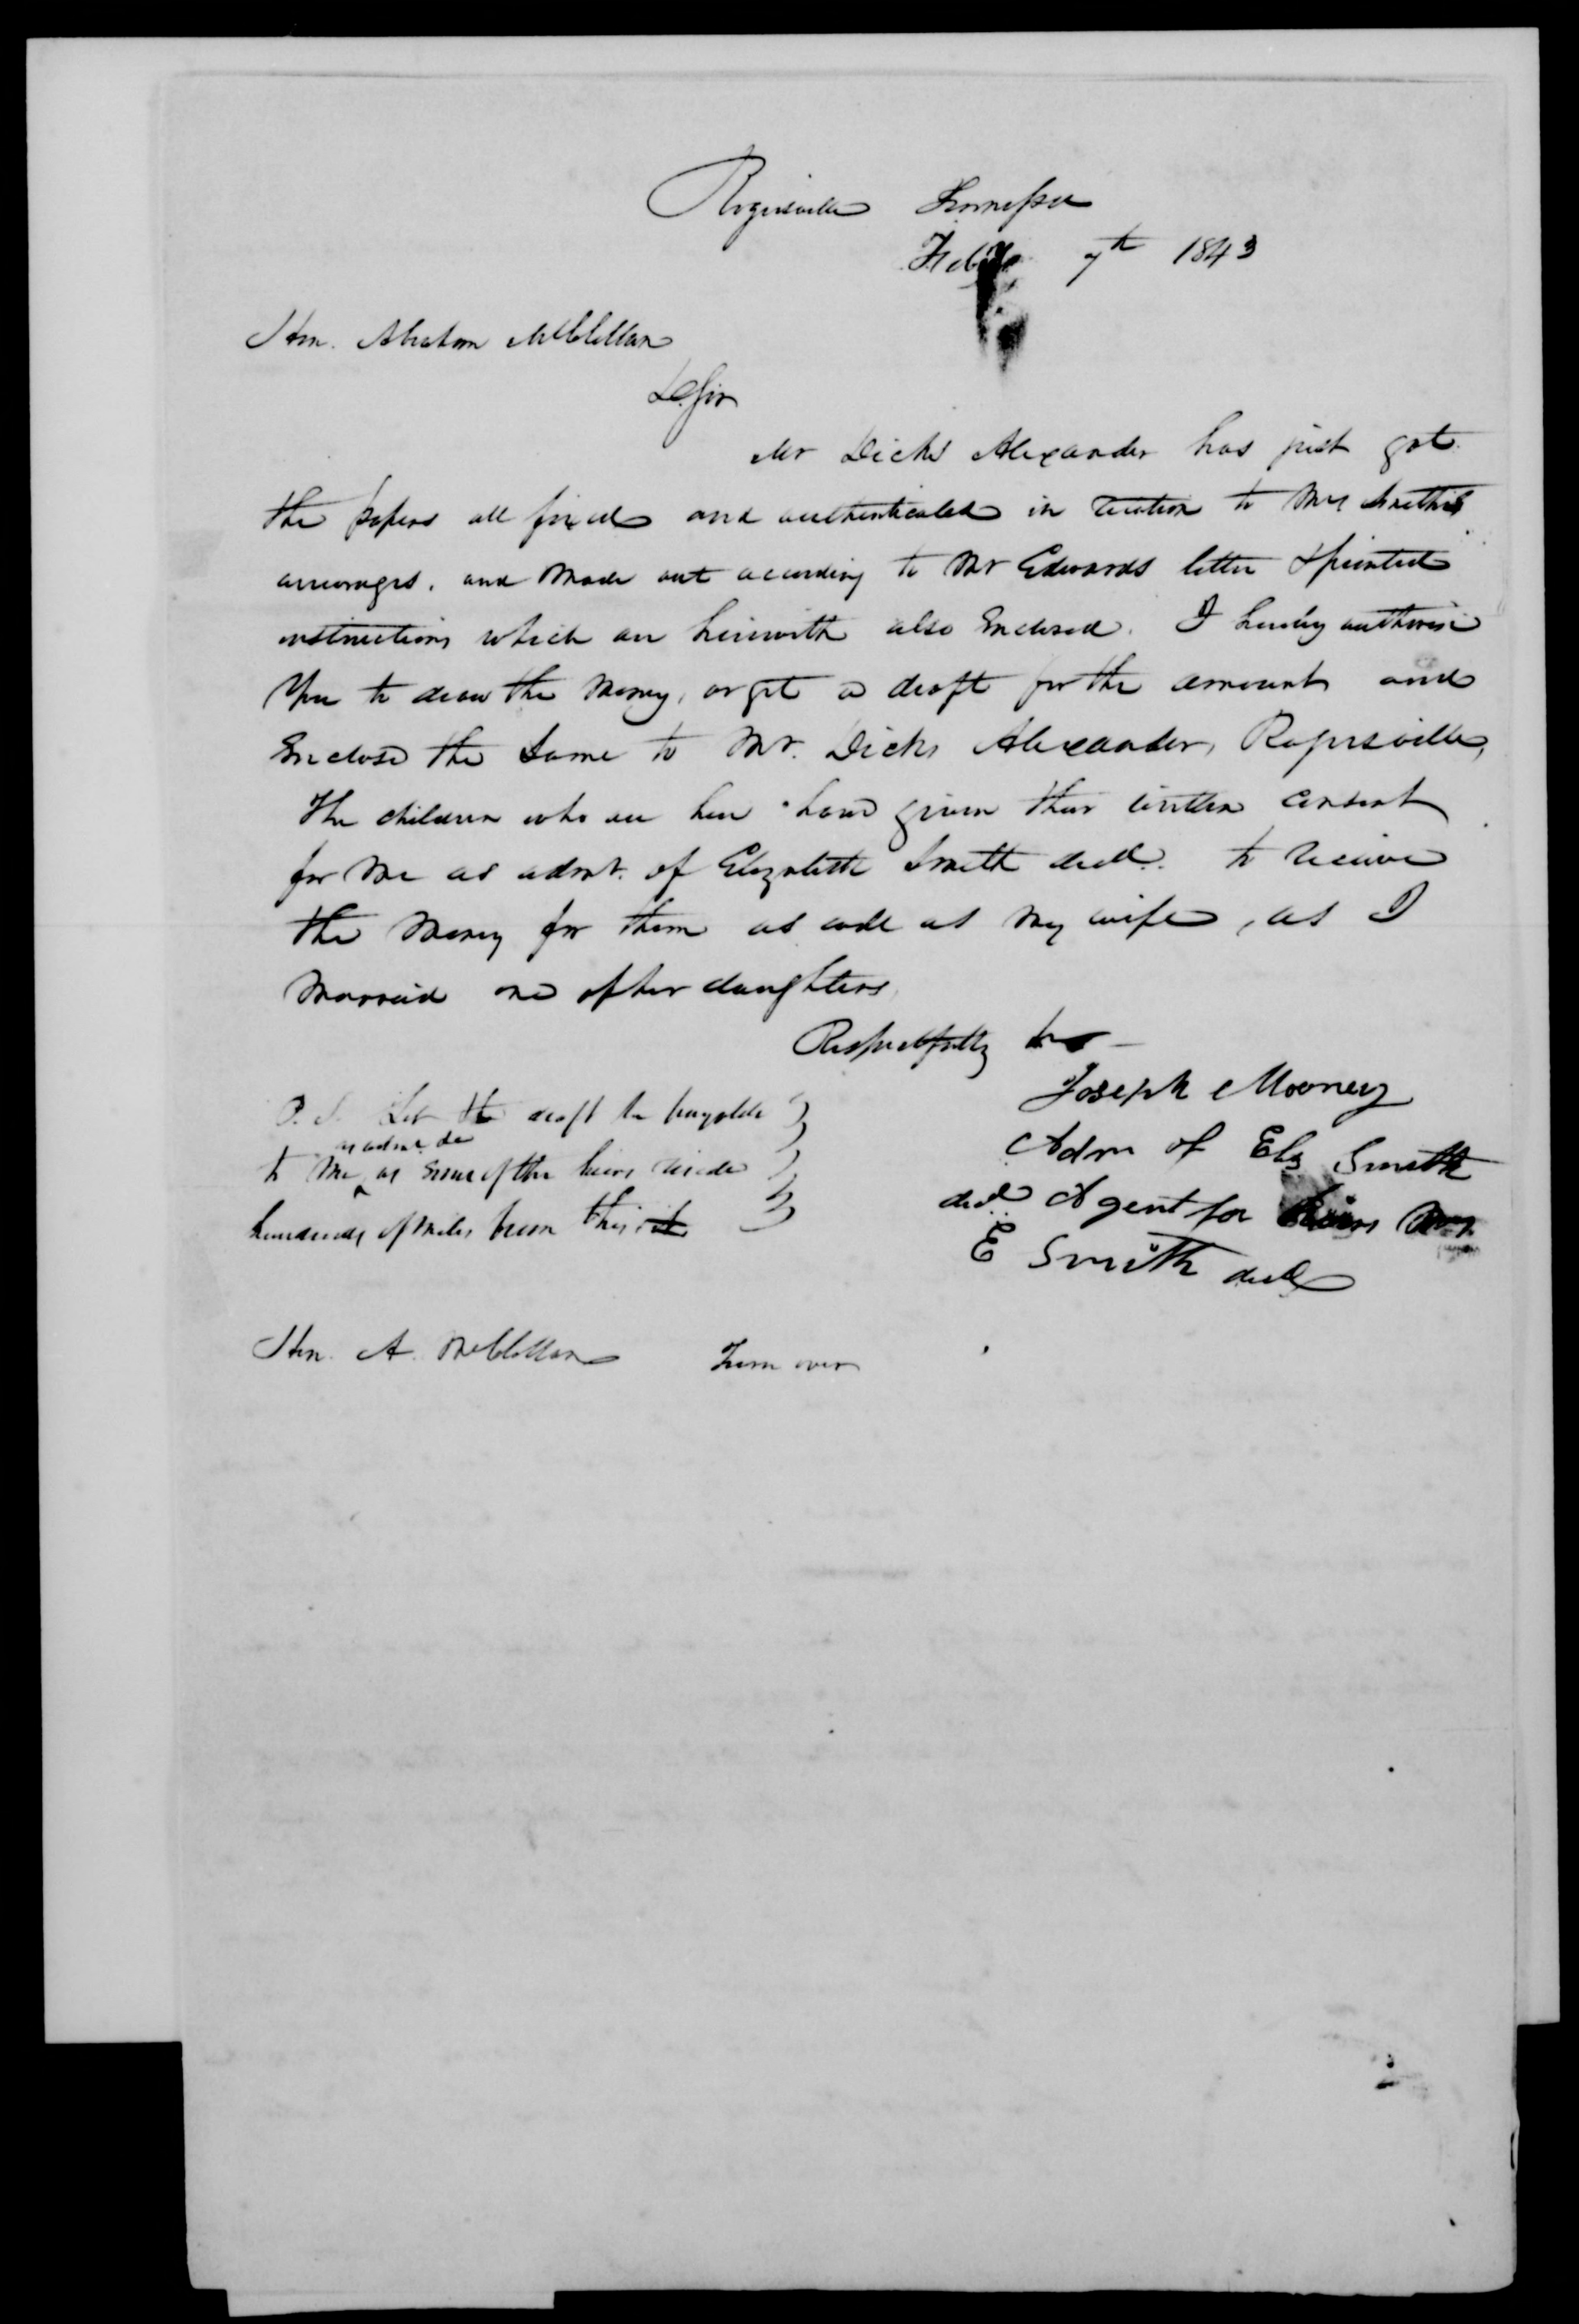Rogersville Tennessee
Feby 7th 1843
Hon. Abraham McClellan
Dr. Sir
Mr Dicks Alexander has just got the papers all fixed and authenticated in relation to Mrs Smith's arrangers. and made out according to Mr Edwards letter & printed instructions which are herewith also enclosed. I hereby authorize You to draw the money, or get a draft for the amount and enclose the same to Mr. Dicks Alexander, Rogersville.
The children who are hers have given their written consent
for me as admr. of Elizabeth Smith decd. to receive the money for them as well as my wife, as I married one of her daughters.
Respectfully yrs -
Joseph Mooney
Adm of Elz Smith and
Agent for E Smith decd

P.S.  Sir the draft be payable to me as admr. &c as some of the heirs reside hundreds of miles from there
Hon A. McClellan

Turn over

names: Joseph Mooney; [BLANK] Edwards; Dicks Alexander; A Mc Clellan; E Smith; Elz Smith; Dicks Alexander; Abraham Mc Clellan; Elizabeth Smith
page: 68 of 79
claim: widow's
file: W. 1504, for Robert Smith, North Carolina